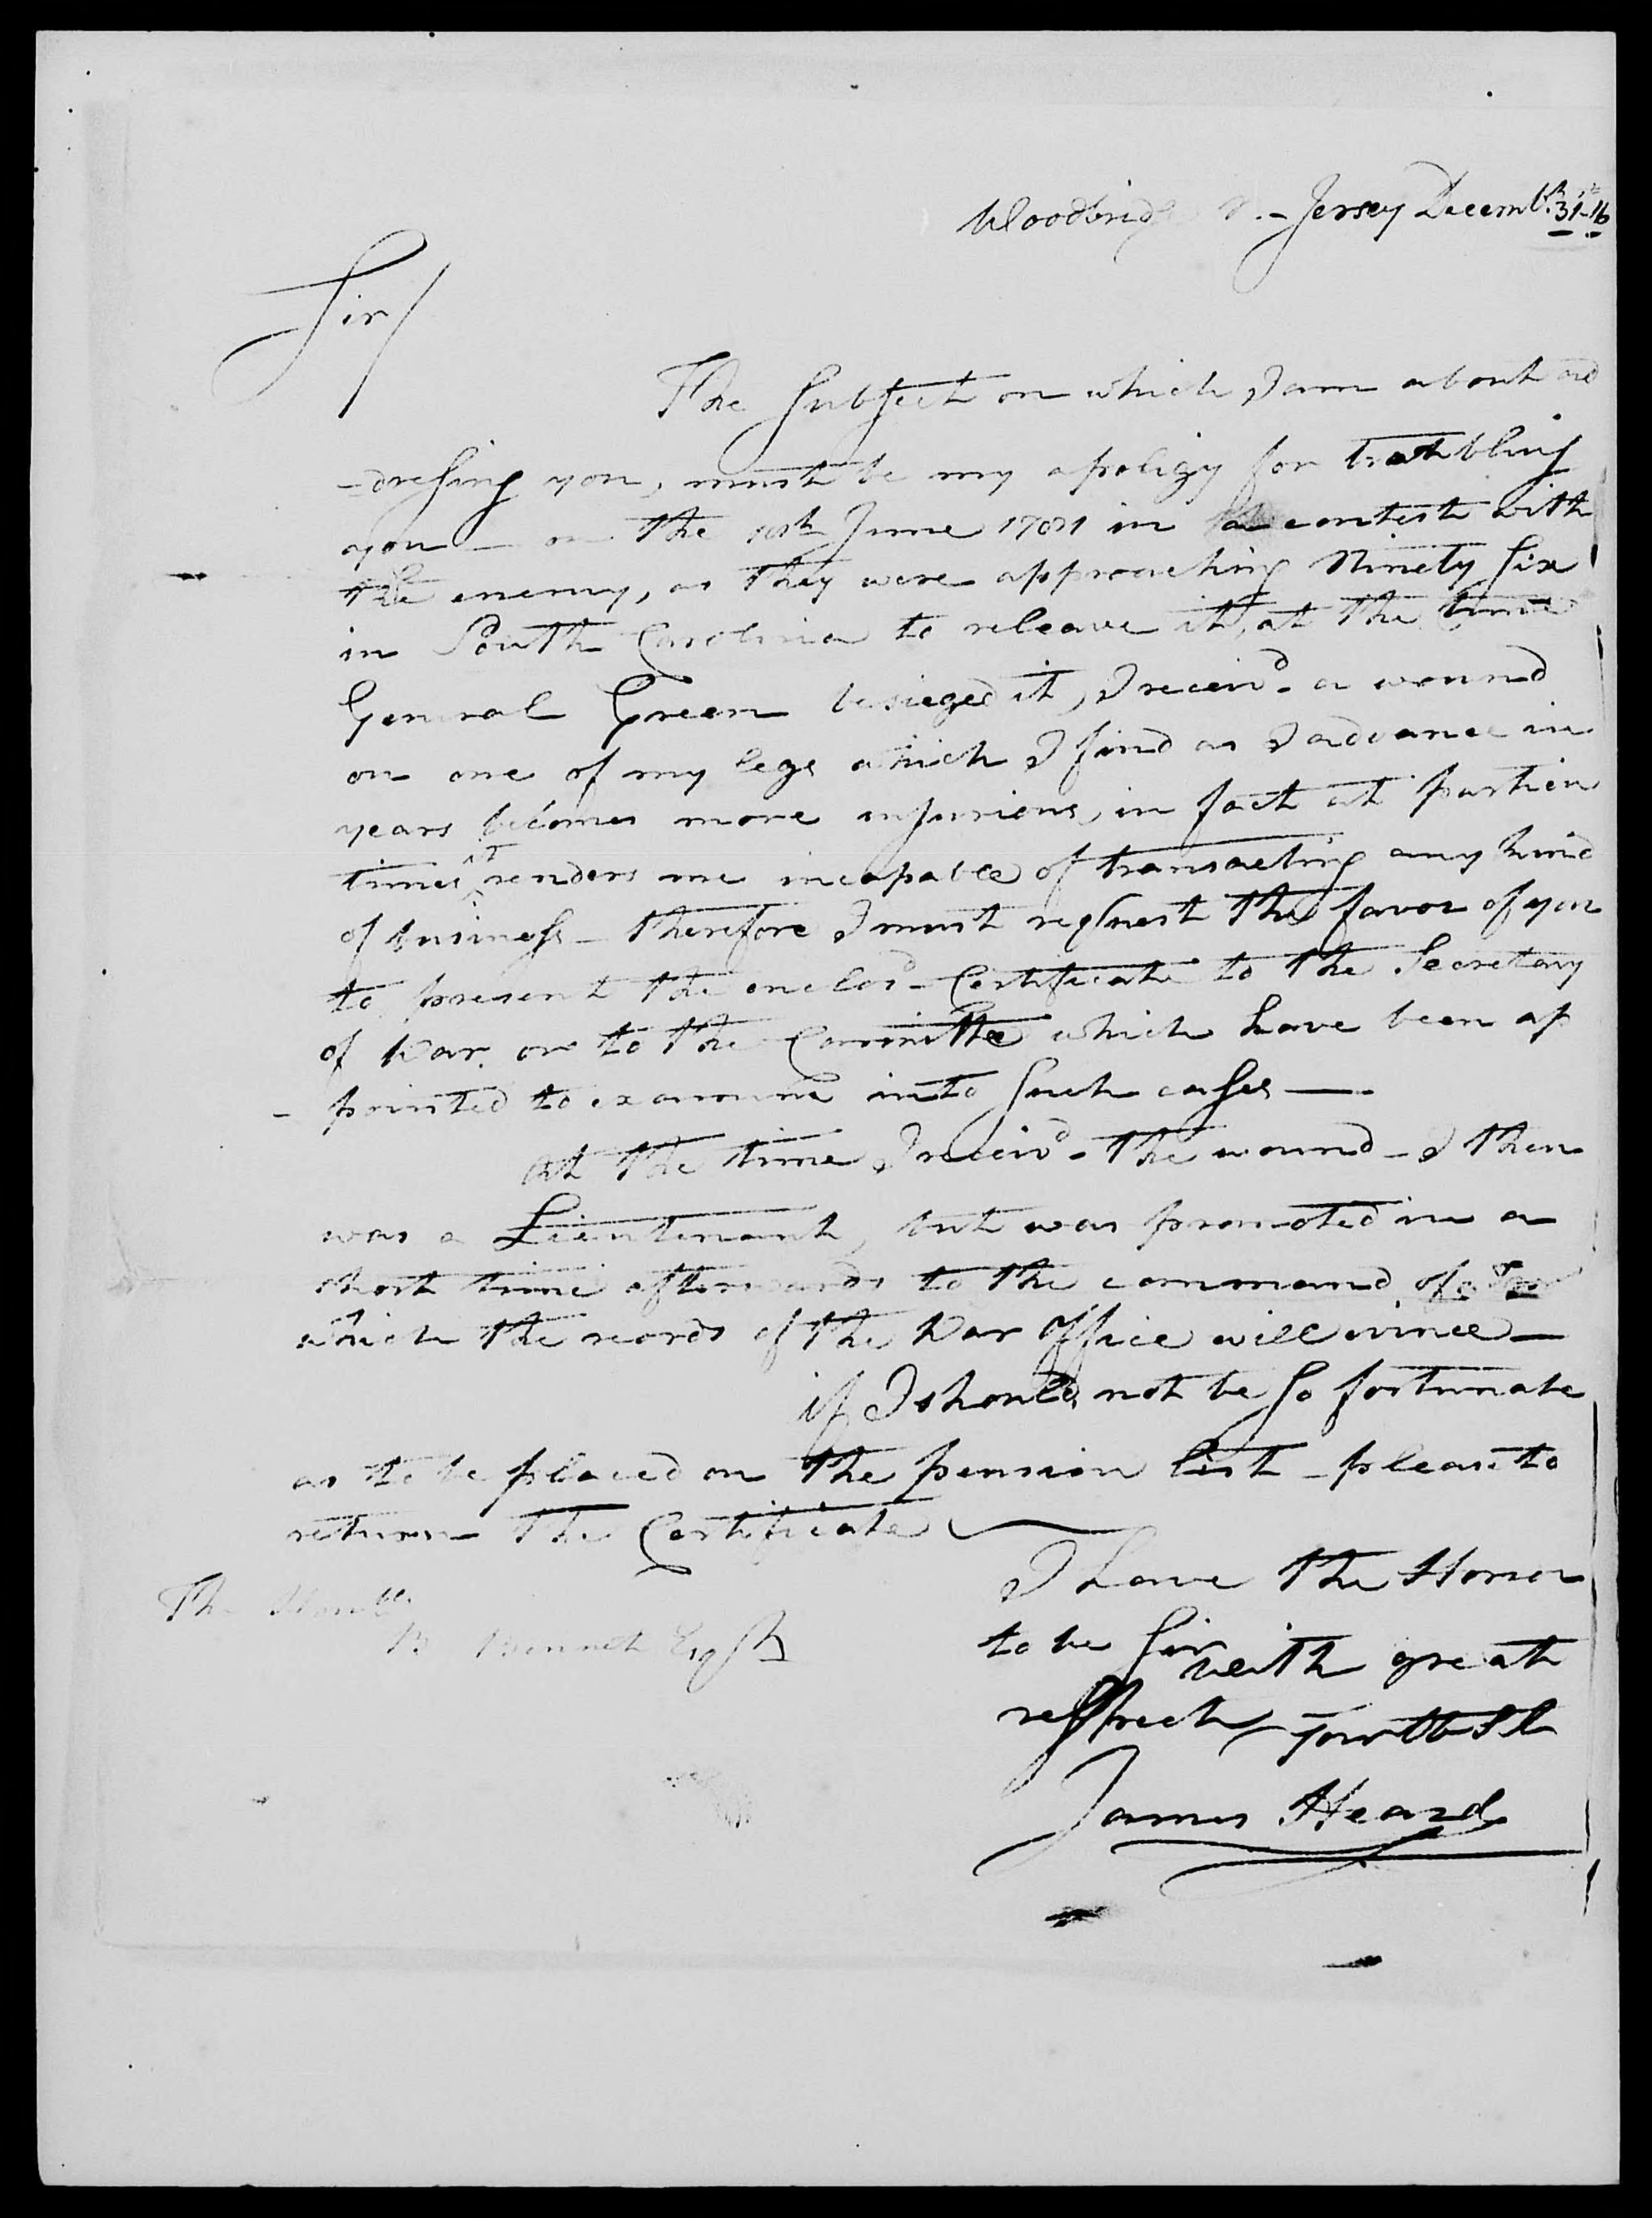Woodbridge N, Jersey Decembr 31-16

Sir

The subject on which I am about addressing you, mut be my apology for troubling you - on the 1st June 1781 in the contest with the enemy, as they were approaching ninety six
in South Carolina to releave it, at the time
General Green besieged it, I received a wound
on one of my legs which I find as I advance in
years times it renders me incapable of transacting any kind of business therefore I must request the favor of you to present the enclose Certificate to the Secretary
of war or to the Committee which have been appointed to examine into such cases.

At the time receivd the wound I then was a Lieutenant, but was promoted in a short time afterwards to the command of [illegible]
which the records of the war office will [illegible].

If I should not be so fortunate as to placed on the pension list please to return the Certificate 

I have the Honor to be for with great respect yr obt st

James Heard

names: B Bennet, James Heard, Green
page: 43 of 62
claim: survivor's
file: S. 540, James Heard, Continental - New Jersey Residence In 1818